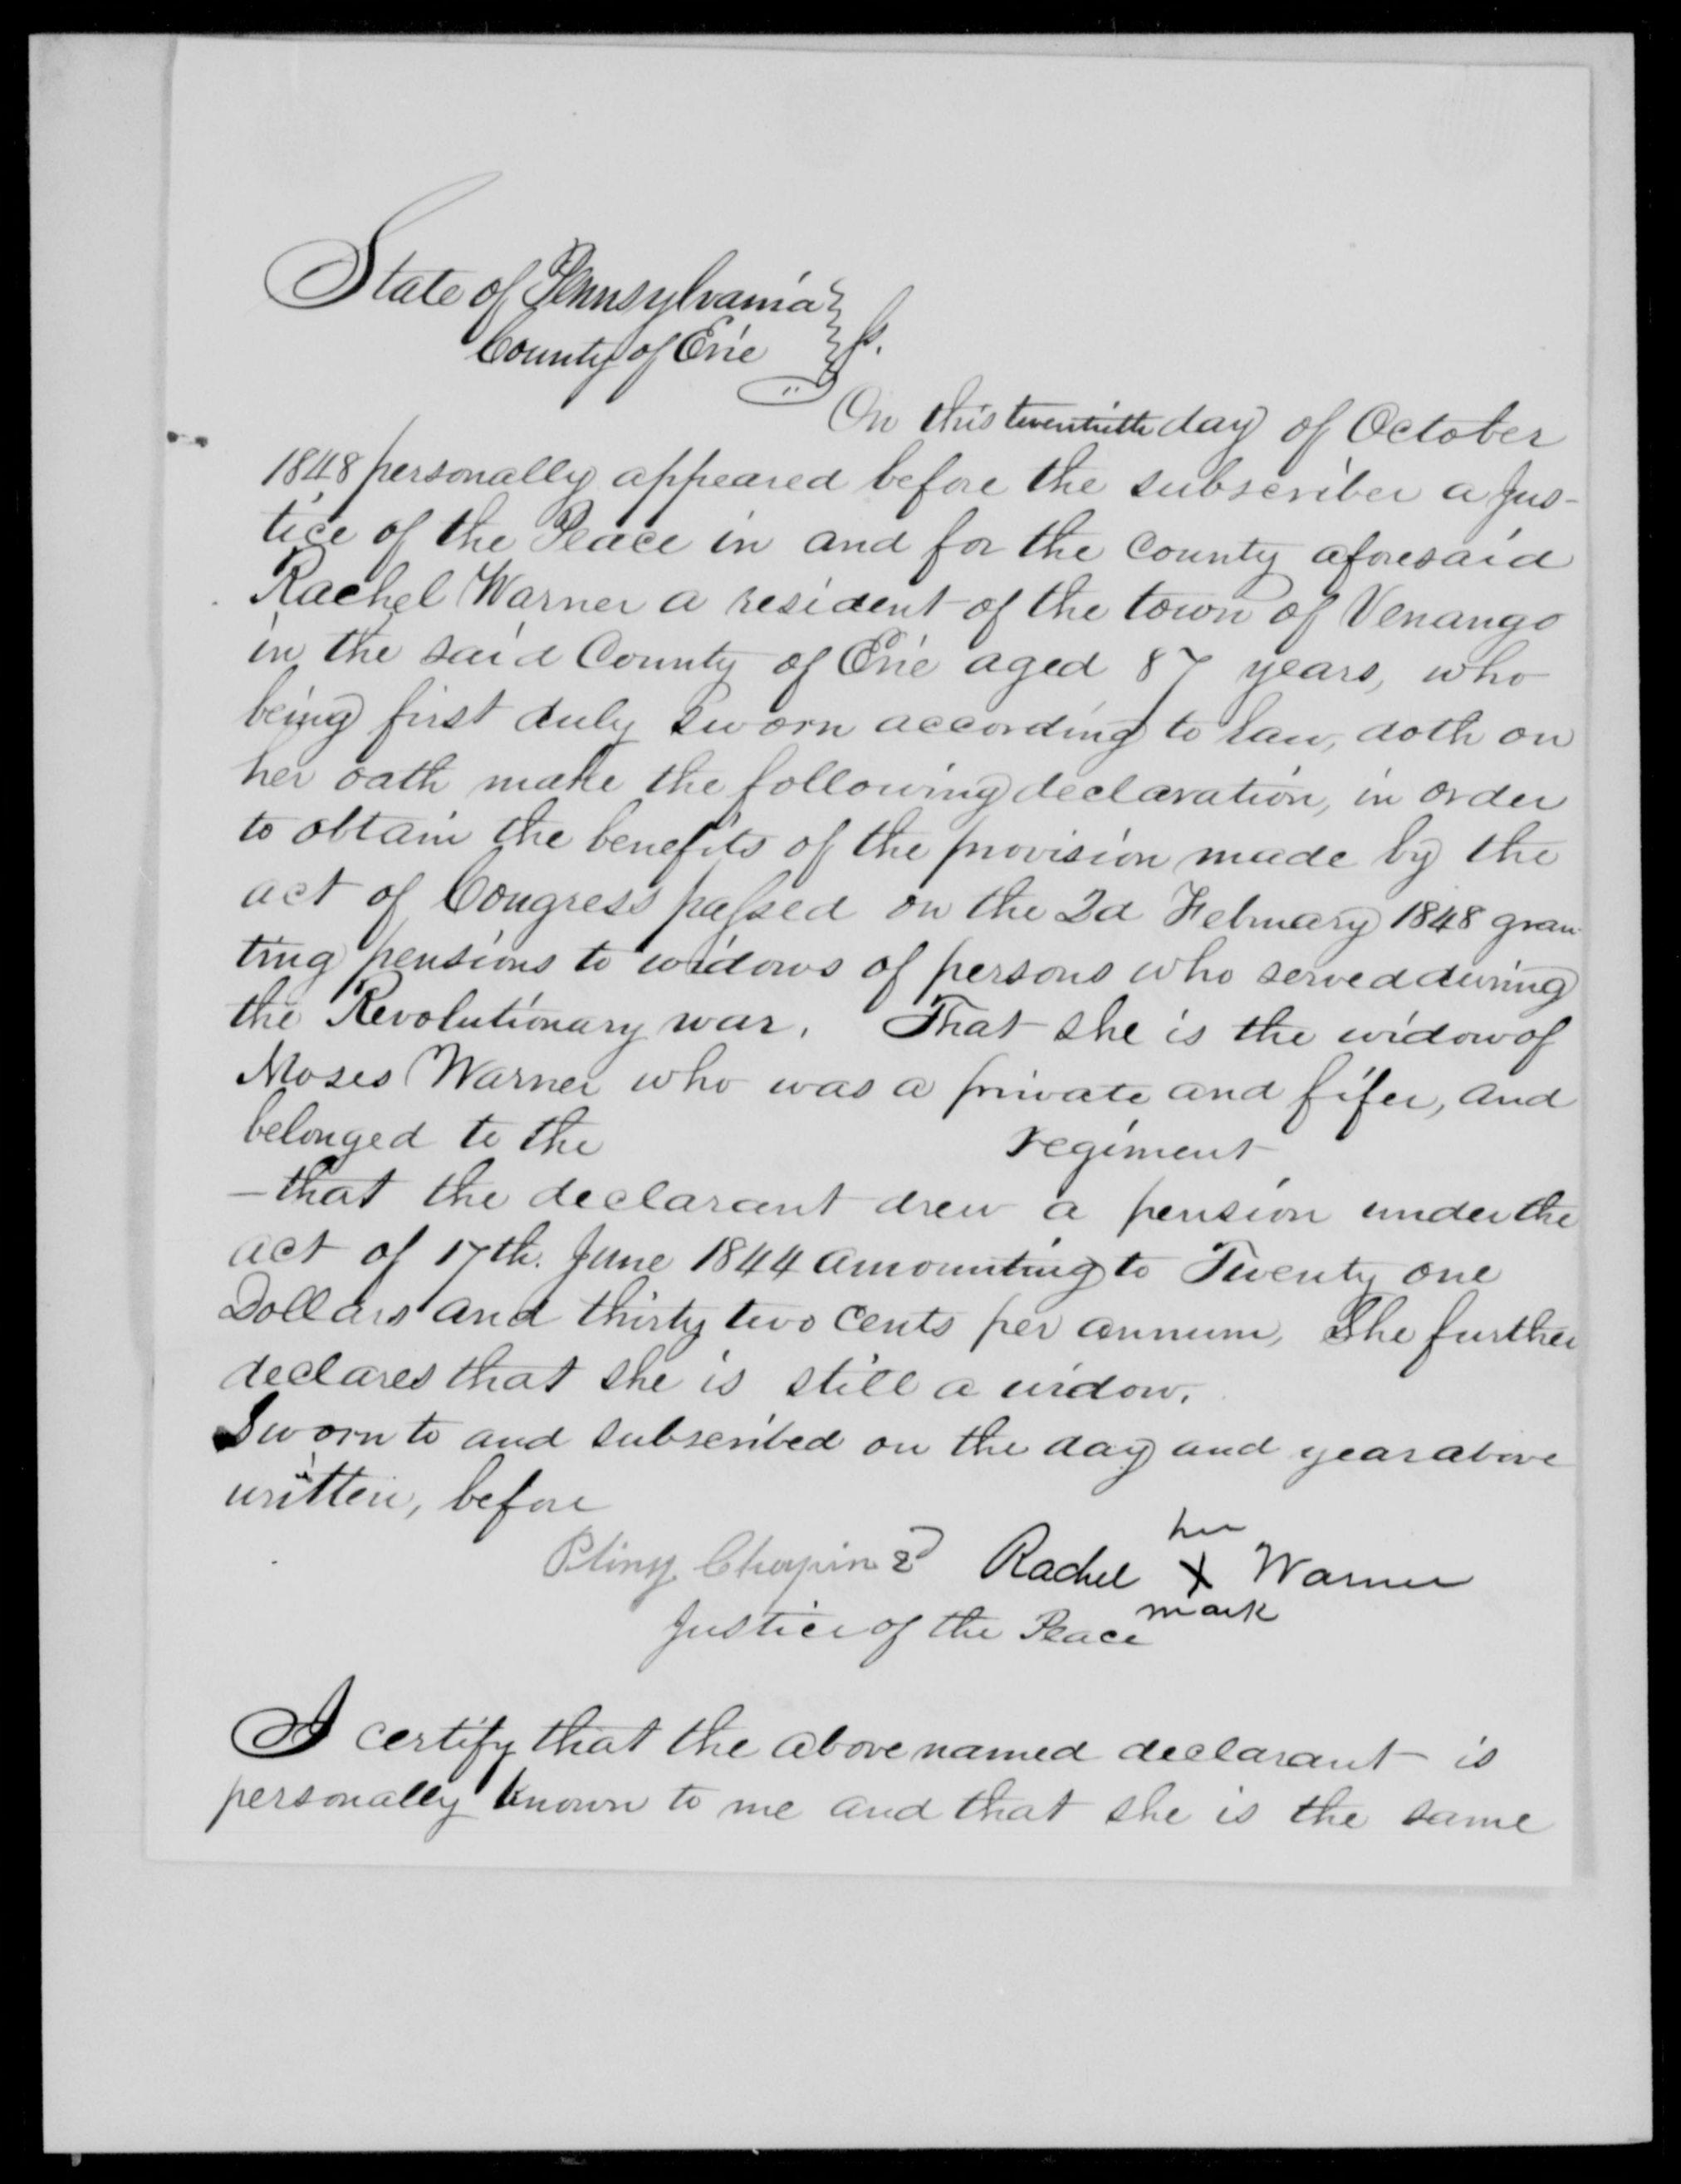State of Pennsylvania}
County of Erie}
     On this twentieth day of October
1848 personally appeared before the subscriber a Jus-
tice of the Peace in and for the County aforesaid
Rachel Warner a resident of the town of Venango
in the said County of Erie aged 87 years, who
being first duly sworn according to law, doth on
her oath make the following declaration, in order 
to obtain the benefits of the provisions made by the
act of Congress passed on the 2d February 1848 gran-
ting pensions to widows of persons who served during
the Revolutionary war. That she is the widow of
Moses Warner who was a private and fifer, and
belonged to the___________ regiment__________
-that the declarant drew a pension under the
Act of 17th June 1844 amounting to Twenty one
Dollars and thirty two cents per annum. She further
declares that she is still a widow.
Sworn and subscribed on the day and year above
written, before
Pliny Chapin  Rachel (her X mark) Warner
Justice of the Peace

I certify that the above named declarant is
personally know to me and that she is the same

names: Rachel Warner, Rachel Warner, Pliny Chapin, Moses Warner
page: 29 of 40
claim: widow's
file: W. 3742, Moses Warner, Conn.